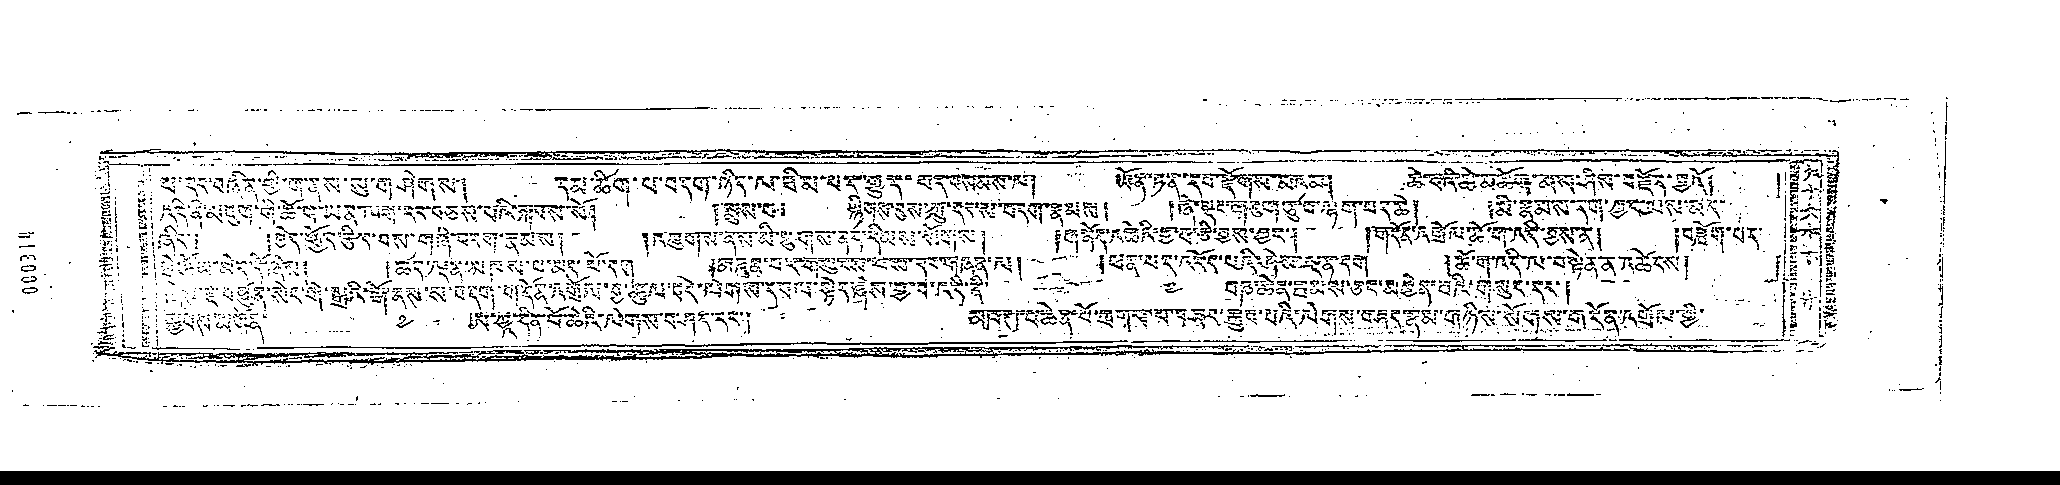པ་རང་བཞིན་གྱི་གནས་སུ་གཤེགས། དམ་ཚིག་པ་བདག་ཉིད་ལ་ཐིམ་པར་གྱུར་པར་བསམས་ལ། ཡོན་ཏན་རབ་རྫོགས་མའམ། ཆེ་བའི་ཆེ་མཆོག་མས་ཤིས་བརྗོད་བྱའོ། །
འདི་ནི་མཇུག་གི་ཆོ་ག་ཡན་ལག་དང་བཅས་པའི་སྐབས་སོ། །སྨྲས་པ། །སྙིགས་དུས་ཀླུ་དང་ས་བདག་རྣམས། །ཞེ་སྡང་གདུག་རྩུབ་ལྷག་པར་ཆེ། །མི་རྣམས་དག་ཀྱང་ལས་མང་།
ཞིང་། །བྱེད་སྤྱོད་རྩིད་བས་གཞི་བདག་རྣམས། །འཁྲུགས་ནས་མི་ཕྱུགས་ནད་རིམས་སོགས། །གནོད་འཚེའི་བྱ་བཅི་བྱས་ཀྱང་། །གདོན་འགྲོལ་ཆོ་ག་འདི་བྱས་ན། །བཟློག་པར་
ཐེ་ཚོམ་མེད་དོ་ཞེས། །ཚད་ལྡན་མཁས་པ་མང་པོ་དག །མཐུན་པར་གསུངས་པས་རང་གཞན་ལ། །ཕན་པར་འདོད་པའི་ཤེས་ལྡན་དག །ཆོ་ག་འདི་ལ་བསྟེན་ན་འཚེངས། །
ཞེས་རྗེ་བཙུན་སེང་གེ་སྒྲའི་སྒོ་ནས་ས་བདག་གདོན་འགྲོལ་བྱ་ཚུལ་བདེ་ལེགས་དཔལ་སྟེར་ཞེས་བྱ་བ་འདི་ནི། ༧་བཎ་ཆེན་ཐམས་ཅད་མཁྱེན་པའི་གསུང་དང་།
སྐྱབས་མགོན། ༧་ཨ་ཀྱཱ་རིན་པོ་ཆེའི་ལེགས་བཤད་དང་། མཁས་པ་ཆེན་པོ་གྲགས་པ་བཤད་སྒྲུབ་པའི་ལེགས་བཤད་རྣམ་གཉིས་སོགས་གདོན་འགྲོལ་གྱི་